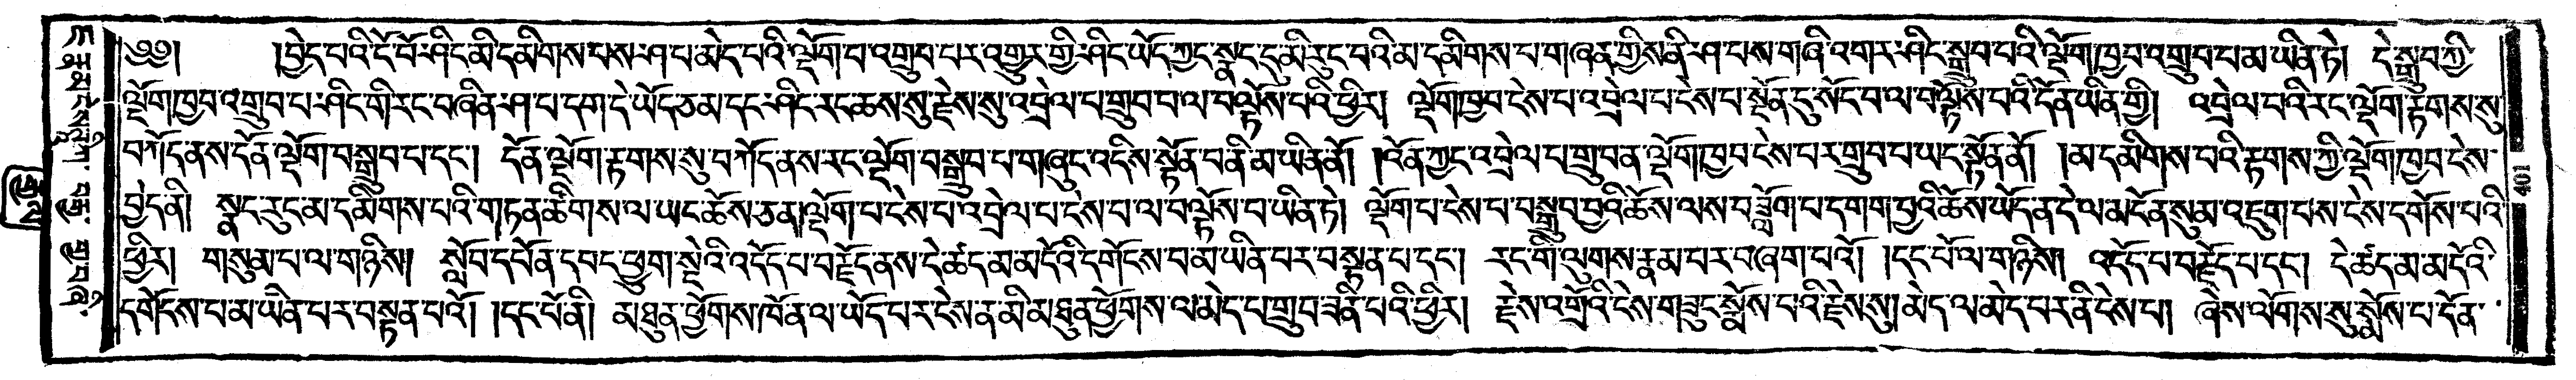༄༅། །བྱེད་པའི་ངོ་བོ་ཤིང་མི་དམིགས་པས་ཤ་པ་མེད་པའི་ལྡོག་པ་འགྲུབ་པར་འགྱུར་གྱི་ཤིང་ཡོད་ཀྱང་སྣང་དུ་མི་རུང་བའི་མ་དམིགས་པ་གཞན་གྱིས་ནི་ཤ་པས་གཞི་འགར་ཤིང་སྒྲུབ་པའི་ལྡོག་ཁྱབ་འགྲུབ་པ་མ་ཡིན་ཏེ། དེ་སྒྲུབ་ཀྱི་
ལྡོག་ཁྱབ་འགྲུབ་པ་ཤིང་གི་རང་བཞིན་ཤ་པ་དག་དེ་ཡོད་ཙམ་?་དང་ཤིང་རང་ཆས་སུ་རྗེས་སུ་འབྲེལ་པ་གྲུབ་པ་ལ་བལྟོས་པའི་ཕྱིར། ལྡོག་ཁྱབ་ངེས་པ་འབྲེལ་པ་ངེས་པ་སྔོན་དུ་སོང་བ་ལ་བལྟོས་པའི་དོན་ཡིན་གྱི། འབྲེལ་བའི་རང་ལྡོག་རྟགས་སུ་
བཀོད་ནས་དོན་ལྡོག་བསྒྲུབ་པ་དང་། དོན་ལྡོག་རྟགས་སུ་བཀོད་ནས་རང་ལྡོག་བསྒྲུབ་པ་གཞུང་འདིས་སྟོན་པ་ནི་མ་ཡིན་ནོ། །འོ་ན་ཀྱང་འབྲེལ་པ་གྲུབ་ན་ལྡོག་ཁྱབ་ངེས་པར་གྲུབ་པ་ཡང་སྟོན་ནོ། །མ་དམིགས་པའི་རྟགས་ཀྱི་ལྡོག་ཁྱབ་ངེས་
བྱེད་ནི། སྣང་རུང་མ་དམིགས་པའི་གཏན་ཚིགས་ལ་ཡང་ཆོས་ཅན། ལྡོག་པ་ངེས་པ་འབྲེལ་པ་ངེས་པ་ལ་བལྟོས་པ་ཡིན་ཏེ། ལྡོག་པ་ངེས་པ་བསྒྲུབ་བྱའི་ཆོས་ལས་བཟློག་པ་དགག་བྱའི་ཆོས་ཡོད་ན་དེ་ལ་མངོན་སུམ་འཇུག་པས་ངེས་དགོས་པའི་
ཕྱིར། གསུམ་པ་ལ་གཉིས། སློབ་དཔོན་དབང་ཕྱུག་སྡེའི་འདོད་པ་བརྗོད་ནས་དེ་ཚད་མ་མདོའི་དགོངས་པ་མ་ཡིན་པར་བསྟན་པ་དང་། རང་གི་ལུགས་རྣམ་པར་བཞག་པའོ། །དང་པོ་ལ་གཉིས། འདོད་པ་བརྗོད་པ་དང་། དེ་ཚད་མ་མདོའི་
དགོངས་པ་མ་ཡིན་པར་བསྟན་པའོ། །དང་པོ་ནི། མཐུན་ཕྱོགས་ཁོ་ན་ལ་ཡོད་པར་ངེས་ན་མི་མཐུན་ཕྱོགས་ལ་མེད་པ་གྲུབ་ཟིན་པའི་ཕྱིར། རྗེས་འགྲོའི་ངེས་གཟུང་སྨོས་པའི་རྗེས་སུ། མེད་ལ་མེད་པར་ནི་ངེས་པ། ཞེས་ལོགས་སུ་སྨོས་པ་དོན་